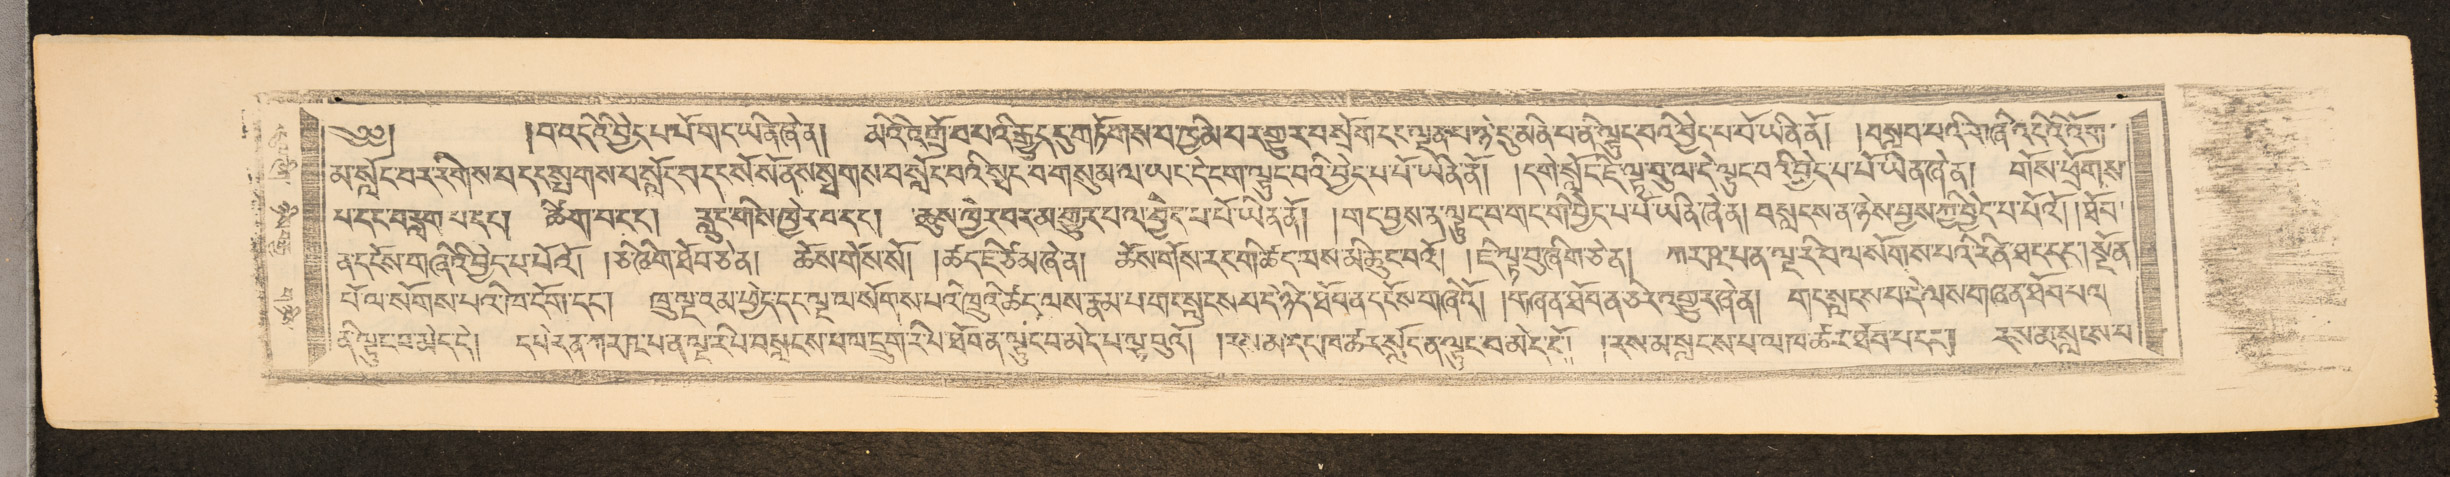༄༅། །བ་འདིའི་བྱེད་པ་པོ་གང་ཡིན་ཞེ་ན། མིའི་འགྲོ་བ་པའི་རྒྱུད་དུ་གཏོགས་པ་ཁྱིམ་པར་གྱུར་པ་སྲོག་དང་ལྡན་པ་ཉེ་དུ་མིན་པ་ནི་ལྟུང་བའི་བྱེད་པ་པོ་ཡིན་ནོ། །བསླབ་པའི་གཞི་འདིའི་འོག་
མ་སློང་བར་རིགས་པ་དང་སྤགས་པ་སློང་བ་དང་སོ་སོ་ནས་སྤགས་པ་སློང་བའི་སྤང་བ་གསུམ་ལ་ཡང་དེ་དག་ལྟུང་བའི་བྱེད་པ་པོ་ཡིན་ནོ། །དགེ་སློང་ཇི་ལྟ་བུ་ལ་དེ་ལྟུང་བའི་བྱེད་པ་པོ་ཡིན་ཞེ་ན། གོས་ཕྲོགས་
པ་དང་བརླག་པ་དང་། ཚིག་པ་དང་། རླུང་གིས་ཁྱེར་བ་དང་། ཆུས་ཁྱེར་བར་མ་གྱུར་པ་ལ་བྱེད་པ་པོ་ཡིན་ནོ། །གང་བྱས་ན་ལྟུང་བ་གང་གི་བྱེད་པ་པོ་ཡིན་ཞེ་ན། བསླངས་ན་ཉེས་བྱས་ཀྱི་བྱེད་པ་པོའོ། །ཐོབ་
ན་དངོས་གཞིའི་བྱེད་པ་པོའོ། །ཅི་ཞིག་ཐོབ་ཅེ་ན། ཆོས་གོས་སོ། །ཚད་ཇི་ཙམ་ཞེ་ན། ཆོས་གོས་རང་གི་ཚད་ལས་མི་ཆུང་བའོ། །ཇི་ལྟ་བུ་ཞིག་ཅེ་ན། ཀར་ཥ་པ་ན་ལྔ་རི་བ་ལ་སོགས་པའི་རིན་ཐང་དང་། སྔོན་
པོ་ལ་སོགས་པའི་ཁ་དོག་དང་། ཁྲུ་ལྔའམ་ཕྱེད་དང་ལྔ་ལ་སོགས་པའི་ཁྲུའི་ཚད་ལས་རྣམ་པ་གང་སླངས་པ་དེ་ཉིད་ཐོབ་ན་དངོས་གཞིའོ། །གཞན་ཐོབ་ན་ཅིར་འགྱུར་ཞེ་ན། གང་སླངས་པ་དེ་ལས་གཞན་ཐོབ་པ་ལ་
ནི་ལྟུང་བ་མེད་དེ། དཔེར་ན་ཀར་ཥ་པ་ན་ལྔ་རིབ་བསླངས་པ་ལ་དྲུག་རི་པ་ཐོབ་ན་ལྟུང་བ་མེད་པ་ལྟ་བུའོ། །རས་མ་དང་ཁ་ཚར་སློང་ན་ལྟུང་བ་མེད་དོ། །རས་མ་སླངས་པ་ལ་ཁ་ཚར་ཐོབ་པ་དང་། རས་མ་སླངས་པ་